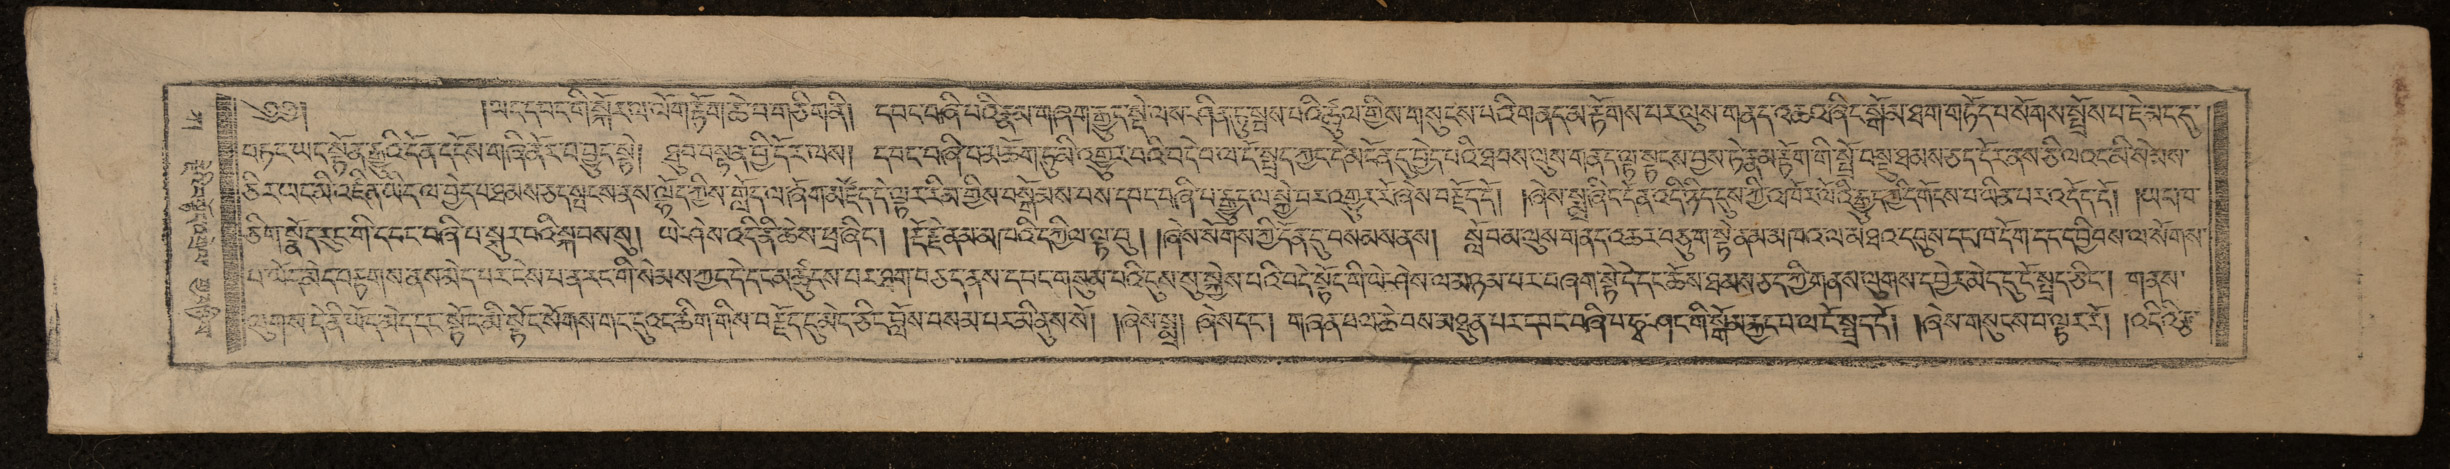༄༅། །ཡང་དབང་གི་སྐོར་ལ་ལོག་རྟོག་ཆེ་བ་གཅིག་ནི། དབང་བཞི་བའི་རྣམ་གཞག་རྒྱུད་སྡེ་ལས་ཤིན་ཏུ་སྦས་པའི་ཚུལ་གྱིས་གསུངས་པའི་གནད་མ་རྟོགས་པར་ལུས་གནད་འཆའ་ཞིང་སྒོམ་ཐག་གཏོད་པ་སོགས་སྤྲོས་པ་ཇེ་མང་དུ་
བཏང་ཡང་སྟོན་རྒྱུའི་དོན་དངོས་གཞི་ནོར་བ་བྱུང་སྟེ། ཐུབ་བསྟན་བྱི་དོར་ལས། དབང་བཞི་པ་མཆོག་ཏུ་མི་འགྱུར་བའི་བདེ་བ་ལ་ངོ་སྤྲད་ཀྱང་དེ་མངོན་དུ་བྱེད་པའི་ཐབས་ལུས་གནང་ལྟ་སྟངས་བྱས་ཏེ་རྣམ་རྟོག་གི་སྦྲོ་བསྡུ་ཐམས་ཅད་དོར་ནས་ཅི་ལའང་མི་སེམས་
ཅིར་ཡང་མི་འཛིན་ཡིད་ལ་བྱེད་པ་ཐམས་ཅད་སྤངས་ནས་ལྷོང་ཀྱིས་གློད་ལ་ཞོག་མཛོད་དེ་ལྟར་རིམ་གྱིས་བསྒོམས་པས་དབང་བཞི་པ་རྒྱུད་ལ་སྐྱེ་བར་འགྱུར་རོ་ཞེས་བརྗོད་དོ། །ཞེས་སྨྲ་ཞིང་དོན་འདི་ཉིད་དུས་ཀྱི་འཁོར་ལོའི་རྒྱུད་ཀྱི་དགོངས་པ་ཡིན་པར་འདོད་དོ། །ཡང་ཁ་
ཅིག་སྣོད་རུང་གི་དབང་བཞིབ་བསྐུར་བའི་སྐབས་སུ། ཡེ་ཤེས་འདི་ནི་ཆེས་ཕྲ་ཞིང་། །རྡོ་རྗེ་ནམ་མཁའི་དཀྱིལ་ལྟ་བུ། །ཞེས་སོགས་ཀྱི་དོན་དུ་བསམས་ནས། སློབ་མ་ལུས་གནད་འཆའ་བཅུག་སྟེ་ནམ་མཁའ་ལ་མཐའ་དབུས་དང་ཁ་དོག་དང་དབྱིབས་ལ་སོགས་
པ་ཡོད་མེད་བརྟགས་ནས་མེད་པར་ངེས་པ་ན་རང་གི་སེམས་ཀྱང་དེ་དང་མཚུངས་པར་ཐག་བཅད་ནས་དབང་གསུམ་པའི་དུས་སུ་སྐྱེས་པའི་བདེ་སྟོང་གི་ཡེ་ཤེས་ལ་མཉམ་པར་བཞག་སྟེ་དེ་དང་ཆོས་ཐམས་ཅད་ཀྱི་གནས་ལུགས་དབྱེར་མེད་དུ་ངོ་སྤྲད་ཅིང་། གནས་
ལུགས་དེ་ནི་ཡོད་མེད་དང་སྟོང་མི་སྟོང་སོགས་གང་དུའང་ཚིག་གིས་བརྗོད་དུ་མེད་ཅིང་བློས་བསམ་པར་མི་ནུས་སོ། །ཞེས་སྨྲ། ཞེས་དང་། གཞན་ཕལ་ཆེ་བས་མཐུན་པར་དབང་བཞི་བ་ཧྭ་ཤང་གི་སྒོམ་རྐྱང་པ་ལ་ངོ་སྤྲད་དོ། །ཞེས་གསུངས་པ་ལྟར་རོ། །འདིའི་རྩ་